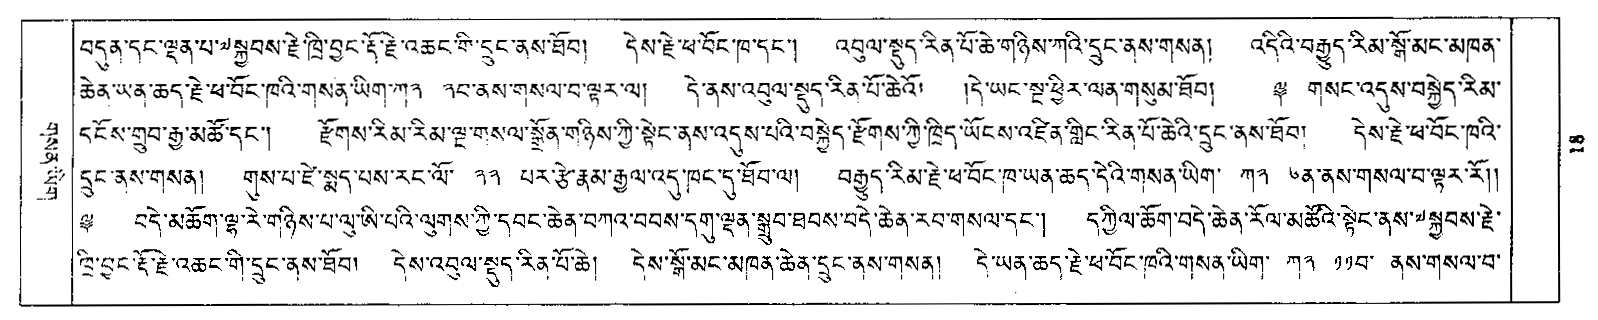བདུན་དང་ལྡན་པ་༧་སྐྱབས་རྗེ་ཁྲི་བྱང་རྡོ་རྗེ་འཆང་གི་དྲུང་ནས་ཐོབ། དེས་རྗེ་ཕ་བོང་ཁ་དང་། འབུལ་སྡུད་རིན་པོ་ཆེ་གཉིས་ཀའི་དྲུང་ནས་གསན། འདིའི་བརྒྱུད་རིམ་སྒོ་མང་མཁན་
ཆེན་ཡན་ཆད་རྗེ་ཕ་བོང་ཁའི་གསན་ཡིག་ཀ ༢ ༢བ་ནས་གསལ་བ་ལྟར་ལ། དེ་ནས་འབུལ་སྡུད་རིན་པོ་ཆེའོ། །དེ་ཡང་སྔ་ཕྱིར་ལན་གསུམ་ཐོབ། ༈ གསང་འདུས་བསྐྱེད་རིམ་
དངོས་གྲུབ་རྒྱ་མཚོ་དང་། རྫོགས་རིམ་རིམ་ལྔ་གསལ་སྒྲོན་གཉིས་ཀྱི་སྟེང་ནས་འདུས་པའི་བསྐྱེད་རྫོགས་ཀྱི་ཁྲིད་ཡོངས་འཛིན་གླིང་རིན་པོ་ཆེའི་དྲུང་ནས་ཐོབ། དེས་རྗེ་ཕ་བོང་ཁའི་
དྲུང་ནས་གསན། གུས་པ་ཛེ་སྨད་པས་རང་ལོ ༢༢་པར་རྩེ་རྣམ་རྒྱལ་འདུ་ཁང་དུ་ཐོབ་ལ། བརྒྱུད་རིམ་རྗེ་ཕ་བོང་ཁ་ཡན་ཆད་དེའི་གསན་ཡིག་ཀ ༢ ༦་ན་ནས་གསལ་བ་ལྟར་རོ། །
༈ བདེ་མཆོག་ལྷ་རེ་གཉིས་པ་ལུ་ཨི་པའི་ལུགས་ཀྱི་དབང་ཆེན་བཀའ་བབས་དགུ་ལྡན་སྒྲུབ་ཐབས་བདེ་ཆེན་རབ་གསལ་དང་། དཀྱིལ་ཆོག་བདེ་ཆེན་རོལ་མཚོའི་སྟེང་ནས་༧་སྐྱབས་རྗེ་
ཁྲི་བྱང་རྡོ་རྗེ་འཆང་གི་དྲུང་ནས་ཐོབ། དེས་འབུལ་སྡུད་རིན་པོ་ཆེ། དེས་སྒོ་མང་མཁན་ཆེན་དྲུང་ནས་གསན། དེ་ཡན་ཆད་རྗེ་ཕ་བོང་ཁའི་གསན་ཡིག་ཀ ༢ ༡༡་བ་ནས་གསལ་བ་